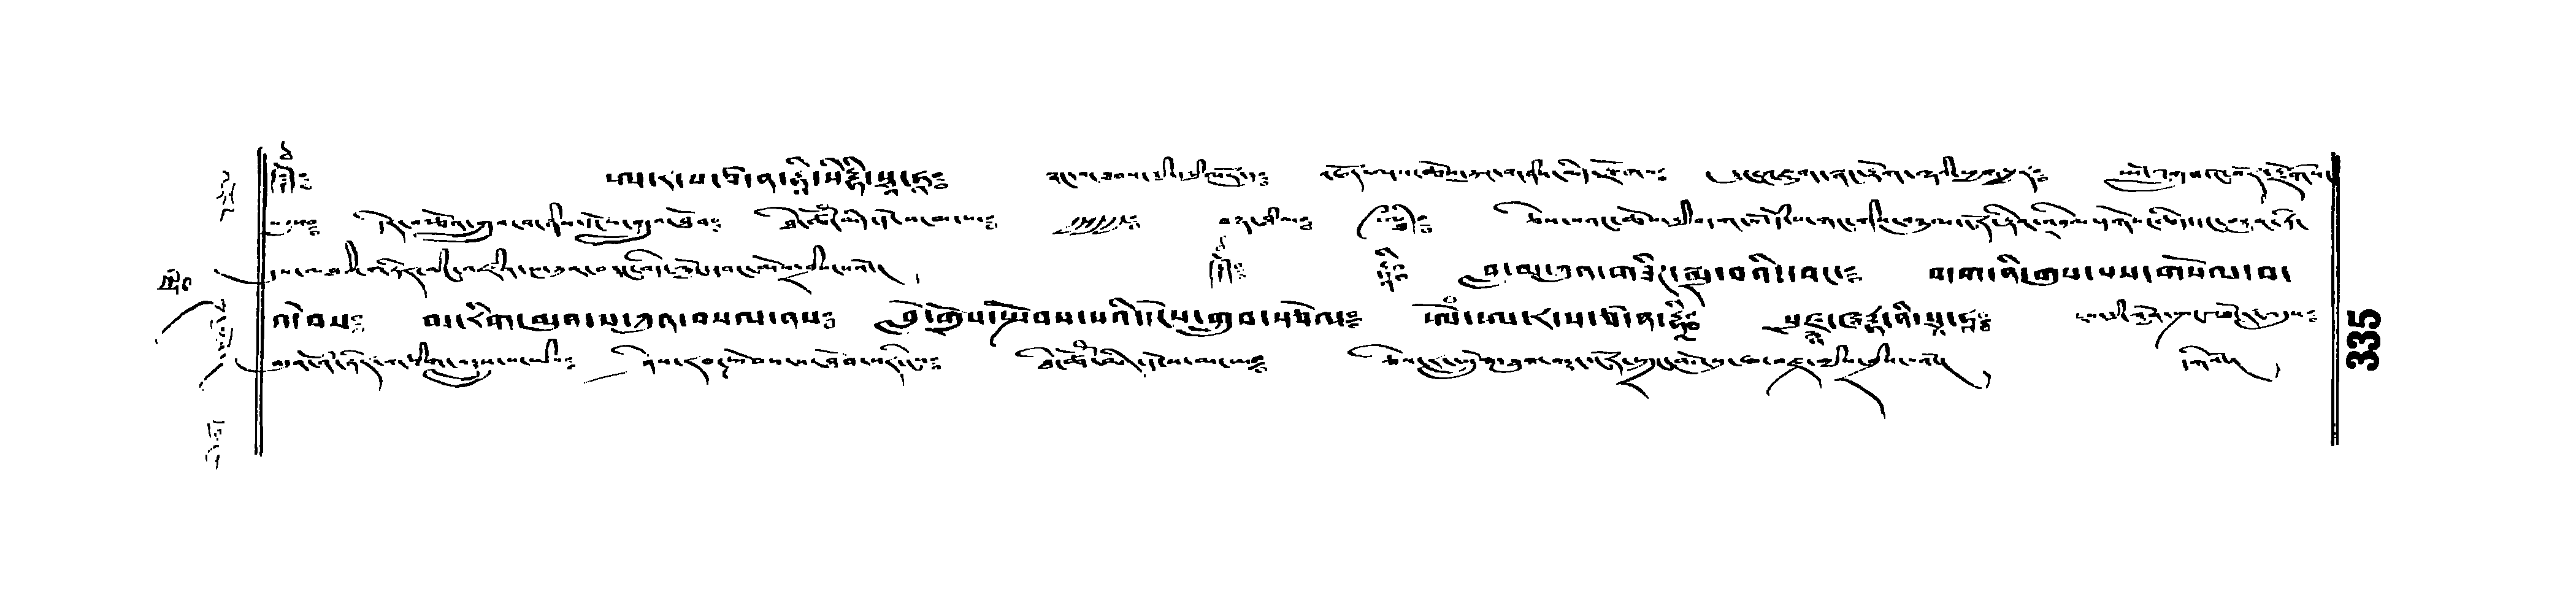ཨ་ར་པ་ཙ་ན་དྷཱི་སིདྡྷི་སྭཱ་ཧཱ༔ སྣང་བ་ཐབས་ཀྱི་དཀྱིལ་འཁོར་དུ༔ འཁོར་འདས་ཆོས་ཀུན་གཉིས་མེད་རྫོགས༔ ཟུང་འཇུག་སྣང་རྟོག་ལྷའི་ཕྱག་རྒྱར༔ ཡོངས་གྲུབ་ངོ་བོར་རྫོགས་
སངས་རྒྱས༔ དེར་བརྩོན་གྲུབ་གཉིས་དངོས་གྲུབ་ཐོབ༔ ཐེ་ཚོམ་མེད་དོ་ས་མ་ཡ༔ རྒྱ་རྒྱ་རྒྱ༔ བརྡ་ཐིམ༔ ༔ ཅེས་པའང་ཆོས་ཀྱི་བདག་པོ་དམ་པ་གང་གིས་བསྐུལ་ངོར་རྟེན་འབྲེལ་དགོས་ཆེད་དང་བསྟུན་ཏེ་
དུས་མཐའི་གཏེར་མིང་འཛིན་པ་ཀུན་བཟང་བདེ་སྐྱོང་དབང་མོས་བྲིས་པའོ།། དྷཱི༔ བླ་མ་ཀུན་གཟིགས་སྨྲ་བའི་དབང༔ བདག་ནི་གུས་པས་གསོལ་བ་
འདེབས༔ མ་རིག་མུན་པ་ཀུན་བསལ་ནས༔ བློ་གྲོས་སྤོབས་པའི་དངོས་གྲུབ་སྩོལ༔ ཨོཾ་ཨ་ར་པ་ཙ་ན་དྷཱི༔ པྲཛྙཱ་ཝརྡྷཱ་ནི་སྭཱ་ཧཱ༔ ཟས་ཀྱི་སྐྱོན་སྤངས་ཐོ་རངས་དུས༔ 
བདུན་ནམ་ཉེར་གཅིག་བཟླས་པ་ཡིས༔ ཤེས་རབ་སྤེབས་པ་ཐོབ་པར་ངེས༔ ཐེ་ཚོམ་མེད་དོ་ས་མ་ཡ༔ ཅེས་རང་སློབ་ཐུབ་བཟང་ངོར་སྤྲང་མོ་སུ་ཁ་བཛྲ་གྱིས་བྲིས་པའོ།། དགེའོ།།